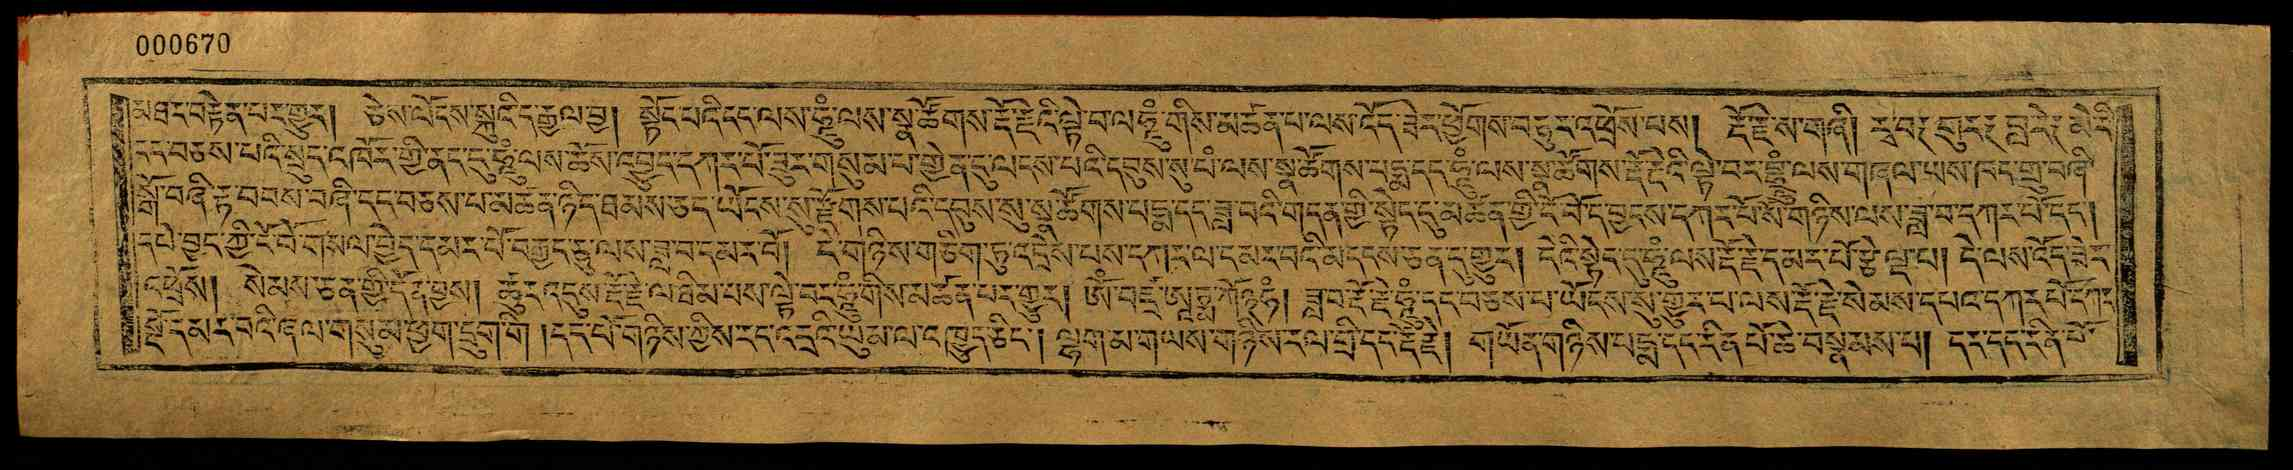མཐར་བརྟེན་པར་གྱུར། །ཅེས་ལོངས་སྐུའི་ང་རྒྱལ་བྱ། སྟོང་པའི་ངང་ལས་ཧཱུཾ་ལས་སྣ་ཚོགས་རྡོ་རྗེའི་ལྟེ་བ་ལ་ཧཱུཾ་གིས་མཚན་པ་ལས་འོད་ཟེར་ཕྱོགས་བཅུར་འཕྲོས་པས། རྡོ་རྗེ་ས་གཞི། རྭ་བར་གུར༑ བླ་རེ༑ མེ་རི་
དང་བཅས་པའི་སྲུང་འཁོར་གྱི་ནང་དུ་ཧཱུཾ་ལས་ཆོས་འབྱུང་དཀར་པོ་ཟུར་གསུམ་པ་གྱེན་དུ་ལངས་པའི་དབུས་སུ་པཾ་ལས་སྣ་ཚོགས་པདམ་དང་ཧཱུཾ་ལས་སྣ་ཚོགས་རྡོ་རྗེའི་ལྟེ་བར་བྷྲཱུཾ་ལས་གཞལ་ཡས་ཁང་གྲུ་བཞི་
སྒོ་བཞི་རྟ་བབས་བཞི་དང་བཅས་པ་མཚན་ཉིད་ཐམས་ཅད་ཡོངས་སུ་རྫོགས་པའི་དབུས་སུ་སྣ་ཚོགས་པདམ་དང་ཟླ་བའི་གདན་གྱི་སྟེང་དུ་མཚན་གྱི་ངོ་བོ་དབྱངས་དཀར་པོས་གཉིས་ལས་ཟླ་བ་དཀར་པོ་དང་།
དཔེ་བྱད་ཀྱི་ངོ་བོ་གསལ་བྱེད་དམར་པོ་བརྒྱད་ཅུ་ལས་ཟླ་བ་དམར་པོ། དེ་གཉིས་གཅིག་ཏུ་འདས་པས་དཀར་ལ་དམར་བའི་མདངས་ཅན་དུ་གྱུར། དེའི་སྟེང་དུ་ཧཱུཾ་ལས་རྡོ་རྗེ་དམར་པོ་རྩེ་ལྔ་པ། དེ་ལས་འོད་ཟེར་
འཕྲོས། སེམས་ཅན་གྱི་དོན་བྱས། ཚུར་འདུས་རྡོ་རྗེ་ལ་ཐིམ་པས་ལྟེ་བར་ཧཱུཾ་གིས་མཚན་པར་གྱུར། ཨོཾ་བཛྲ་ཨཱཏྨ་ཀཉ་ཧཾ། ཟླ་བ་རྡོ་རྗེ་ཧཱུཾ་དང་བཅས་པ་ཡོངས་སུ་གྱུར་པ་ལས་རྡོ་རྗེ་སེམས་དཔའ་དཀར་པོར་དཀར་
སྔོ་དམར་བའི་ཞལ་གསུམ་ཕྱག་དྲུག་གི །དང་པོ་གཉིས་གྱིས་རང་འདྲའི་ཡུམ་ལ་འཁྱུད་ཅིང་། ལྷག་མ་གཡས་གཉིས་རལ་གྲི་དང་རྡོ་རྗེ། གཡོན་གཉིས་པདམ་དང་རིན་པོ་ཆེ་བསྣམས་པ། དར་དང་རིན་པོ་